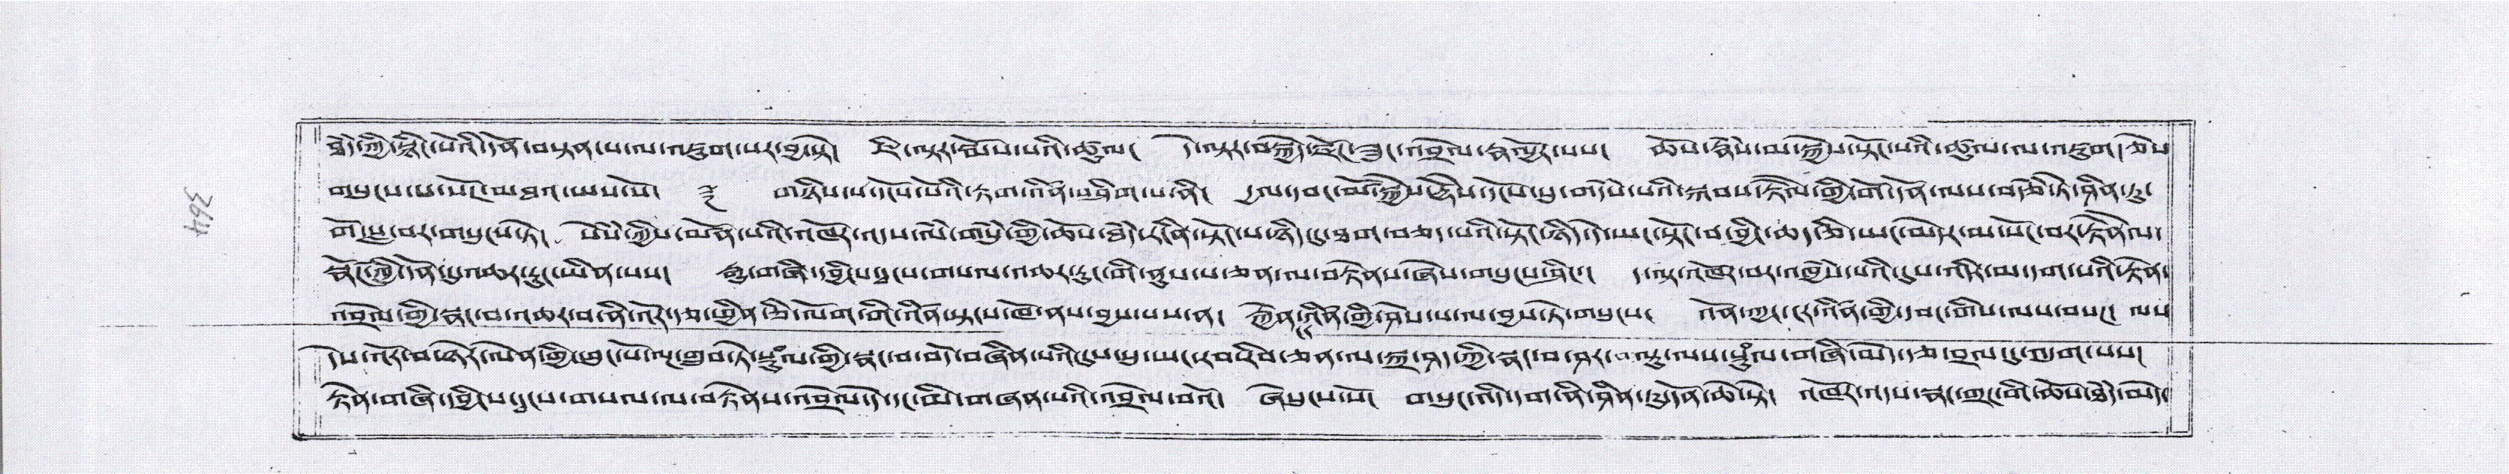ཐམས་ཅད་ཀྱི་སྙིང་པོའི་དོན་བསྟན་པ་ལ་འཇུག་པར་བྱ་སྟེ། ཇི་ལྟར་སྨོས་པའི་ཚུལ། དེ་ལྟར་བསྐྱེད་རྫོགས་ཟུང་འབྲེལ་རྣལ་འབྱོར་པས། ཆོས་རྣམས་མ་བསྐྱེས་སྟོང་པའི་ཚུལ་ལ་འཇུག ཅེས་
གསུངས་པ་སོགས་མཐའ་ཡས་སོ། ༑ གཉིས་པ་དངོས་པོའི་རྟག་འཛིན་བཤིག་པ་ནི། རྒྱལ་དབང་མཚོ་སྐྱེས་རྡོ་རྗེས་དངོས་སུ་གདམས་པའི་སྐབས་རྟེན་འབྲེལ་གྱི་གོ་དོན་ལས་བརྩམ་ཏེ་ཤིན་ཏུ་
གོ་སླ་བར་གསུངས་ཏེ། སེམས་ཀྱིས་མཚོན་པའི་འཁོར་འདས་ལམ་གསུམ་གྱི་ཆོས་ཐམས་ཅད་རང་བཞིན་སྟོང་པ་ཉིད་དུ་ཐག་བཅད་པའི་སྟོང་ཉིད་དེ་ཡང་སྟོང་པ་བྱིང་ཆད་ཅི་ཡང་མེད་པར་མ་སོང་བར་རྟེན་འབྲེལ་
སྣ་ཚོགས་ཀྱི་དོན་དུ་འཆར་རུང་ཡིན་པས། རྒྱུ་གཞི་དབྱིངས་དྭངས་གསལ་འཆར་རུང་གི་ནུས་པ་ཅན་ལ་བརྟེན་ནས་ཞེས་གསུངས་ཤིང། ད་ལྟ་འཁོར་བར་འཁྱམས་པའི་དུས་འདིར་མ་དག་པའི་རྟེན་
འབྲེལ་གྱི་སྣང་བ་འཆར་བ་ནི་འཁོར་རྩ་ཕྱིན་ཅི་ལོག་གི་འཛིན་སྟངས་ཁོ་ནས་བྱས་པས་ན། རྐྱེན་ངར་འཛིན་གྱི་ཤེས་པ་ལ་བྱས་ཏེ་གསུངས། འོན་ཀྱང་ངར་འཛིན་གྱི་དབང་གིས་ལས་བསགས། ལས་
དེས་འཁོར་བ་ཉེར་ལེན་གྱི་ཕུང་པོ་ལྔ་གྲུབ་ཏེ་སྡུག་བསྔལ་གྱི་སྣང་བ་བདོ་བཞིན་པའི་དུས་སུ་ཡང་རབ་རིབ་ཅན་ལ་སྐྲ་ཤད་ཀྱི་སྣང་བ་ཤར་བ་ལྟ་བུ་ལས་སྡུག་བསྔལ་གཞི་མེད་རྩ་བྲལ་དུ་འདུག་པས། 
རྟེན་གཞི་དབྱིངས་དྭངས་གསལ་ལ་བརྟེན་ནས་འབྲེལ་དེ་དང་མི་གཞན་པའི་འབྲེལ་བའོ། ཞེས་གསུངས་སོ། གསུང་འདི་དག་ནི་ཤིན་ཏུ་དོན་ཆེ་སྟེ། འཁོར་འདས་སྣང་གྲགས་གི་ཆོས་ཐམས་ཅད་མེད་